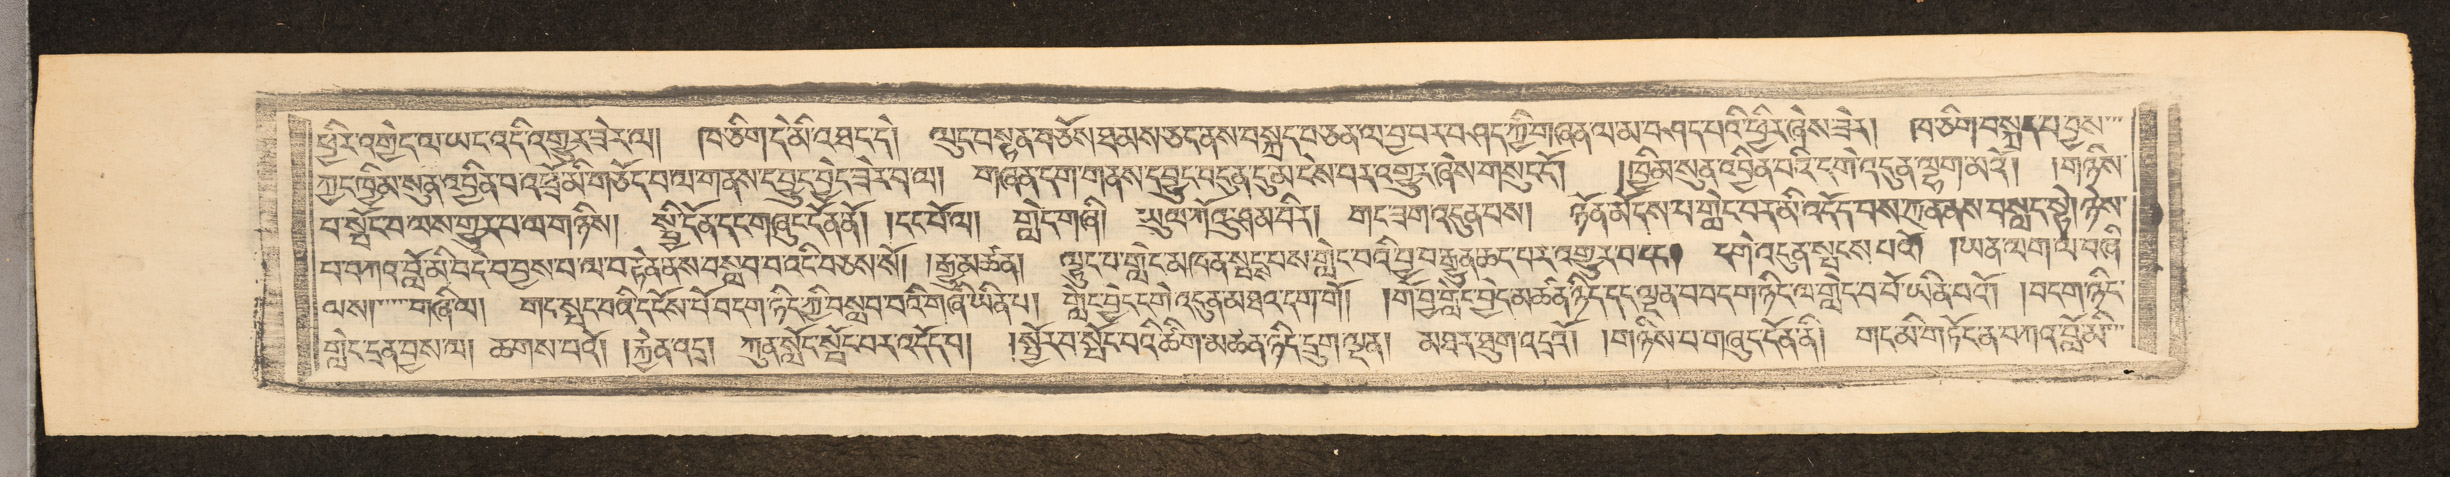ཕྱིར་འགྱེད་ལ་ཡང་འདི་འགྱུར་ཟེར་ལ། ཁ་ཅིག་དེ་མི་འཐད་དེ། ལུང་བསྟན་བཅོས་ཐམས་ཅད་ནས་བསྐྲད་པ་ཅན་ལ་བྱ་བར་བཤད་ཀྱི་གཞན་ལ་མ་བཤད་པའི་ཕྱིར་ཞེས་ཟེར། ཁ་ཅིག་བསྐྲད་པ་བྱས་
ཀྱང་ཁྱིམ་སུན་འབྱིན་པ་འཕྲོ་མི་གཅོད་པ་ལ་གནས་དབྱུང་བྱེད་ཟེར་བ་ལ། གཞན་དག་གནས་དབྱུང་བདུན་དུ་མ་ངེས་པར་འགྱུར་ཞེས་གསུང་ངོ། །ཁྱིམ་སུན་འབྱིན་པའི་དགེ་འདུན་ལྷག་མའོ། །གཉིས་
པ་སྤོང་བ་ལས་གྱུར་པ་ལ་གཉིས། སྤྱི་དོན་དང་གཞུང་དོན་ནོ། །དང་པོ་ལ། གླེང་གཞི། ཡུལ་ཀོའུ་ཤམ་བིར། གང་ཟག་འདུན་པས། ཉོན་མོངས་པ་གླེང་བར་མི་འདོད་པས་ཀུན་ནས་བསླང་སྟེ། ཉེས་
པ་བཀའ་བློ་མི་བདེ་བ་བྱས་པ་ལ་བརྟེན་ནས་བསླབ་པ་འདི་བཅས་སོ། །རྒྱུ་མཚན། ལྟུང་བ་གླེང་མཁན་སྤངས་པས་གླེང་བའི་བྱ་བ་རྒྱུན་ཆད་པར་འགྱུར་བ་དང་། དགེ་འདུན་སྤངས་པའོ། །ཡན་ལག་ལ་བཞི་
ལས། གཞི་ལ། གང་སྤང་བའི་དངོས་པོ་བདག་ཉིད་ཀྱི་བསླབ་པའི་གཞི་ཡིན་པ། གླེང་བྱེད་དགེ་འདུན་མཐའ་དག་གོ། །གོ་བྱ་གླེང་བྱེད་མཚན་ཉིད་དང་ལྡན་པ་བདག་ཉིད་ལ་གླེང་བ་པོ་ཡིན་པའོ། །བདག་ཉིད་
གླེང་དྲན་བྱས་ལ། ཆགས་པའོ། །རྐྱེན་འདྲ། ཀུན་སློང་སྤོང་བར་འདོད་པ། །སྦྱོར་བ་སྤོང་བའི་ཚིག་མཚན་ཉིད་དྲུག་ལྡན། མཐར་ཐུག་འདྲའོ། །གཉིས་པ་གཞུང་དོན་ནི། གང་མི་གཏོང་ན་བཀའ་བློ་མི་